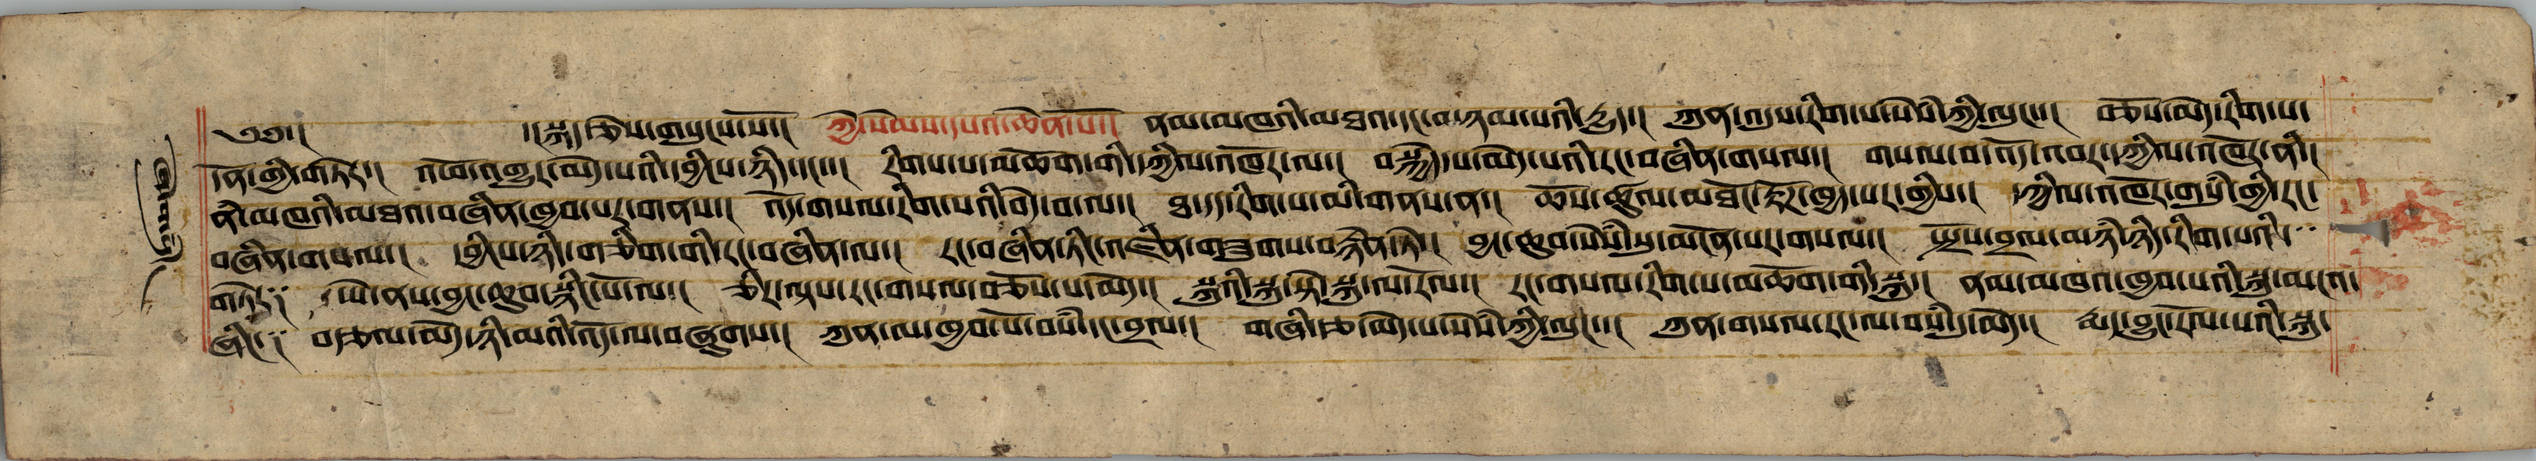༄༅་། ་།སྐད་ཅེས་གསུངས་སོ་། ཀྱེ་སེམས་དཔའ་ཆེན་པོ་། ནམ་མཁའི་མཐའ་དང་མཉམ་པའི་དྱུད་། ཀུན་འདུས་རིག་པ་སེསཾ་ཀྱི་ལུང་་། བཅོས་མེད་རིག་པ་
དོན་གྱི་གཏེར་། འཕོ་འགྱུར་མེད་པའི་དབྱིངས་ཉིད་དང་་། རིགས་པ་མཆོག་གི་དཀྱིལ་འཁོར་ལ་། བསྐྱེད་པ་མེད་པའི་རང་བཞིན་གསལ་། གསལ་བ་འོད་འབར་དཀྱིལ་འཁོར་ནི་།
ནཾ་མཁའི་མཐའ་བཞིན་ཁྱབ་པར་གནས་། འོད་གསལ་རིག་པའི་བདེ་བ་ལ་། ཐ་དད་རིག་པ་མི་གནས་ན་། ཆོས་ཚུལ་མཐོང་རྟོཌ་ཁྱད་པར་གྱིས་། དཀྱིལ་འཁོར་གསུཾ་གྱི་རང་
བཞིན་གསལ་། དབྱིངས་ཉིད་གཅིག་གི་རང་བཞིན་ལ་། རང་བཞིན་ཏིང་འཛིན་གཟུགས་བརྙེན་སྟེ་། བྱང་ཆུབ་སེཾས་སུ་མངོན་པར་གསལ་། སྤྲོས་བྲལ་མཉཾ་ཉིད་རིག་པའི་
གཏེར༑ ཡེ་ནས་བྱང་ཆུབ་སྙིང་པོ་ལ་། ཅིར་ལྟས་རང་གསལ་བཅོས་པ་མོད་། སྐུའི་སྐུ་སྟེ་སྐུ་ལ་རོལ་། རང་གསལ་རིག་པ་མཆོག་གི་སྐུ་། ནམ་མཁའ་ཁྱབ་པའི་སྐུ་མངའ་
ཞིང་༑ བརྩལ་མེད་ཉི་མའི་འོད་ལ་བཞུགས་། ཀུན་ལ་ཁྱབ་པོ་བསཾ་དང་བྲལ་། གཞི་རྩ་མེད་པ་སེཾས་ཀྱི་ལུང་་། ཀུན་གསལ་རང་ལ་བསཾ་དུ་མེད་། རྨད་བྱུང་རོལ་པའི་སྐུ་